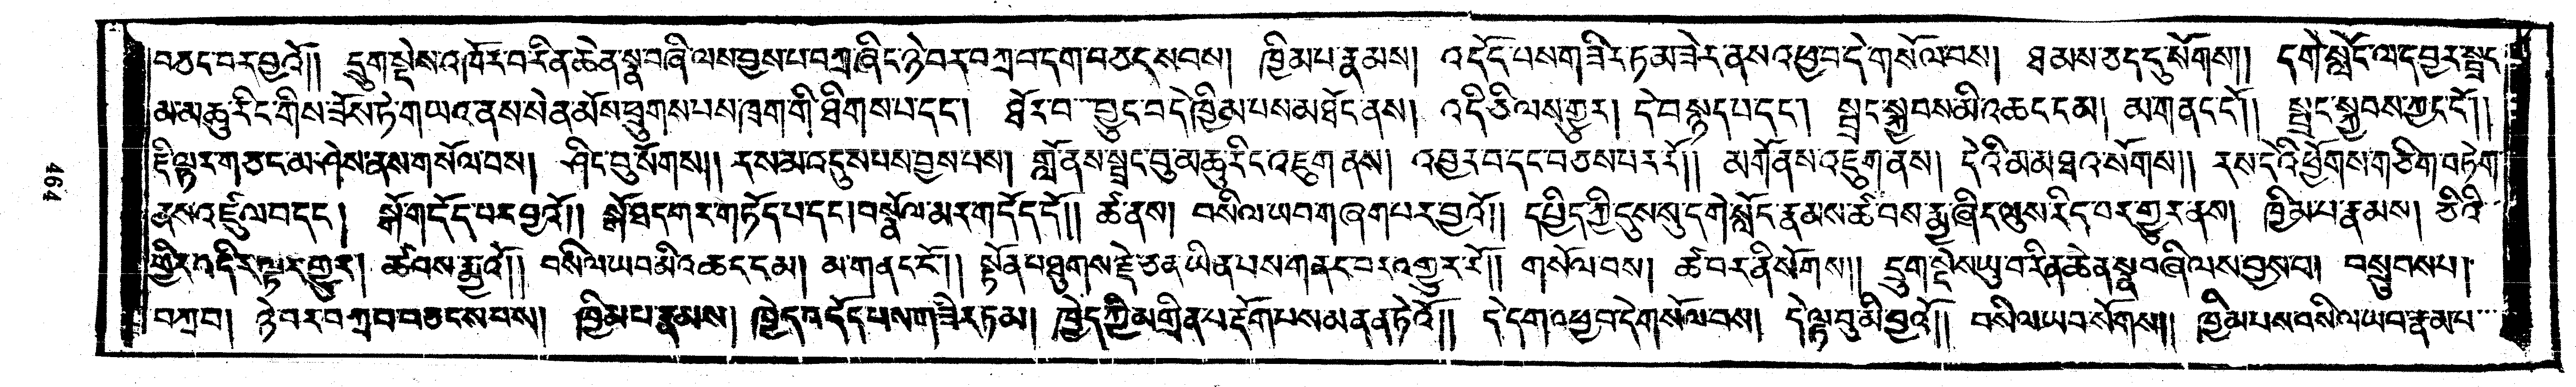བཅང་བར་བྱའོ།། དྲུག་སྡེས་འཁོར་བ་རིན་ཆེན་སྣ་བཞི་ལས་བྱས་པ་བཀྲ་ཞིང་ཉེ་བར་བཀྲ་བ་དག་བཅངས་བས། ཁྱིམ་པ་རྣམས། འདོད་པས་གཟིར་ཏམ་ཟེར་ནས་འཕྱ་བ་དེ་གསོལ་བས། ཐམས་ཅད་དུ་སོགས།། དགེ་སློང་ལ་དབྱར་སྦྲང་
མ་མཆུ་རིང་གིས་ཟོས་ཏེ་གཡའ་ནས་སེན་མོས་ཕྲུགས་པས་ཁྲག་གི་ཐིགས་པ་དང་། ཐོར་བ་བྱུང་བ་དེ་ཁྱིམ་པས་མཐོང་ནས། འདི་ཅི་ལས་གྱུར། དེ་བསྙད་པ་དང་། སྦྲང་སྐྱབས་མི་འཆང་ངམ། མ་གནང་ངོ།། སྦྲང་སྐྱབས་ཀྱང་ངོ།།
ཇི་ལྟར་གཅང་མ་ཤེས་ནས་གསོལ་བས། ཤིང་བུ་སོགས།། རས་མ་འདུས་པས་བྱས་པས། གློ་ནས་སྦྲང་བུ་མཆུ་རིང་འཇུག་ནས། འབྱར་བ་དང་བཅས་པར་རོ།། མགོ་ནས་འཇུག་ནས། དེའི་མ་མཐའ་སོགས།། རས་དེའི་ཕྱོགས་གཅིག་བཏེག་
ནས་འཛུལ་བ་དང་། སྒོ་གདོད་པར་བྱའོ།། སྒོ་ཐད་གར་གཏོད་པ་དང་། བསྣོལ་མར་གདོད་དོ།། ཚ་ནས། བསིལ་ཡབ་གཞག་པར་བྱའོ།། དཔྱིད་ཀྱི་དུས་སུ་དགེ་སློང་རྣམས་ཚ་བས་རྨྱ་ཞིང་ལུས་རིང་བར་གྱུར་ནས། ཁྱིམ་པ་རྣམས། ཅིའི་
ཕྱིར་འདིར་ལྟར་གྱུར། ཚབས་རྨྱའོ།། བསིལ་ཡབ་མི་འཆད་དམ། མ་གནང་ངོ།། སྟོན་པ་ཐུགས་རྗེ་ཅན་ཡིན་པས་གནང་བར་འགྱུར་རོ།། གསོལ་བས། ཚ་བར་ནི་སོགས།། དྲུག་སྡེས་ཡུ་བ་རིན་ཆེན་སྣ་བཞི་ལས་བྱས་བ། བསྲུབས་པ།
བཀྲབ། ཉེ་བར་བཀྲབ་བཅངས་པས། ཁྱིམ་པ་རྣམས། ཁྱེད་འདོད་པས་གཟེར་ཏམ། ཁྱེད་ཀྱི་མགྲིན་པ་རྡོག་པས་མནན་ཏེའོ།། དེ་དག་འཕྱ་བ་དེ་གསོལ་བས། དེ་ལྟ་བུ་མི་བྱའོ།། བསིལ་ཡབ་སོགས།། ཁྱིམ་པས་བསིལ་ཡབ་རྣམ་པ་